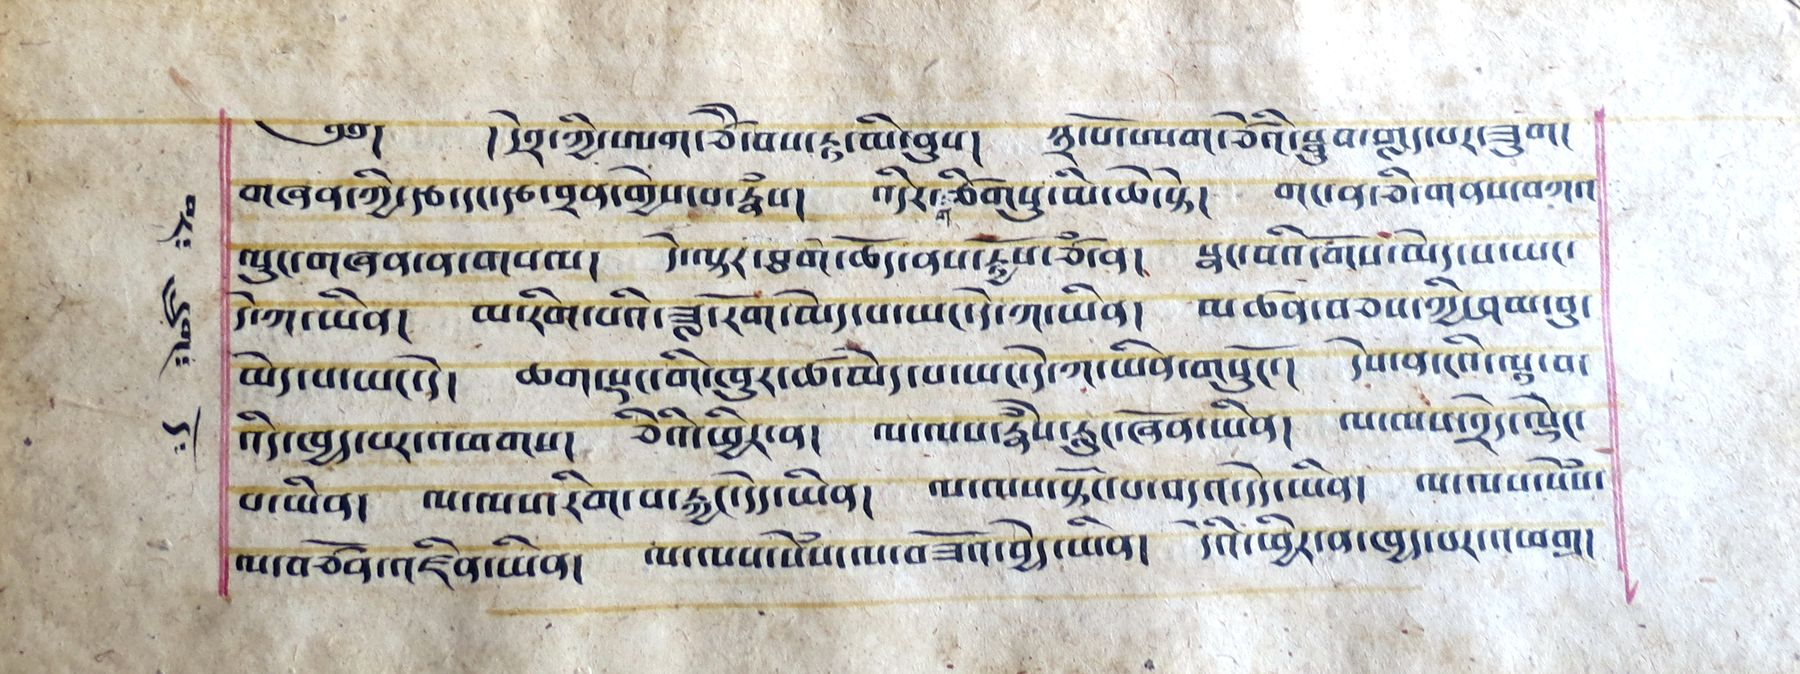དེ་གཉིས་ཀྱིས་ཨག་ཙེ་བས་རྟ་མི་ནུས། གསུམ་པོ་ཨག་ཙེའི་སྦུབས་ཀླད་པར་ཟུག 
གཞན་གྱི་རྩ་དང་རྩ་བྲན་གྱེས་པ་རྣམས། འདིར་གཙིགས་སུ་མི་ཆེ་སྟེ། གང་ན་ཅི་གནས་བཀའ་
ལུང་གཞན་ན་གསལ། དེ་ལྟར་ཐག་ཆོད་ནས་ལྟོས་ཙམ་ན། སྣང་བའི་གོས་མེད་པ་ཡང་
དེ་ཀ་ཡིན། མ་རིག་པའི་ཟླ་རོགས་མེད་པ་ཡང་དེ་ཀ་ཡིན། མཚན་བཅས་ཀྱི་ཤམ་བུ་
མེད་པ་ཡང་དེ། ཆགས་སྡང་གི་ཁུར་ཚ་མེད་པ་ཡང་དེ་ཀ་ཡིན་གསུང་ངོ་། །དེས་ན་ངའི་ལྟ་བ་
འདི་ཁྱད་པར་འཕགས། ཅིའི་ཕྱིར་ན། ལ་ལས་རྣམ་ཤེས་རླུང་ཞོན་ཡིན། ལ་ལས་གཉིས་མེད་ལྡེང་
པ་ཡིན། ལ་ལས་རིག་པ་རྐྱང་དེད་ཡིན། ལ་ལས་སྟོང་པ་བདའ་དེད་ཡིན། ལ་ལས་སེམས་
ལ་བཙོན་འཛིན་ཡིན། ལ་ལས་སེམས་ལ་བཟོ་བྱེད་ཡིན། དེའི་ཕྱིར་ན་ཁྱད་པར་འཕགས།